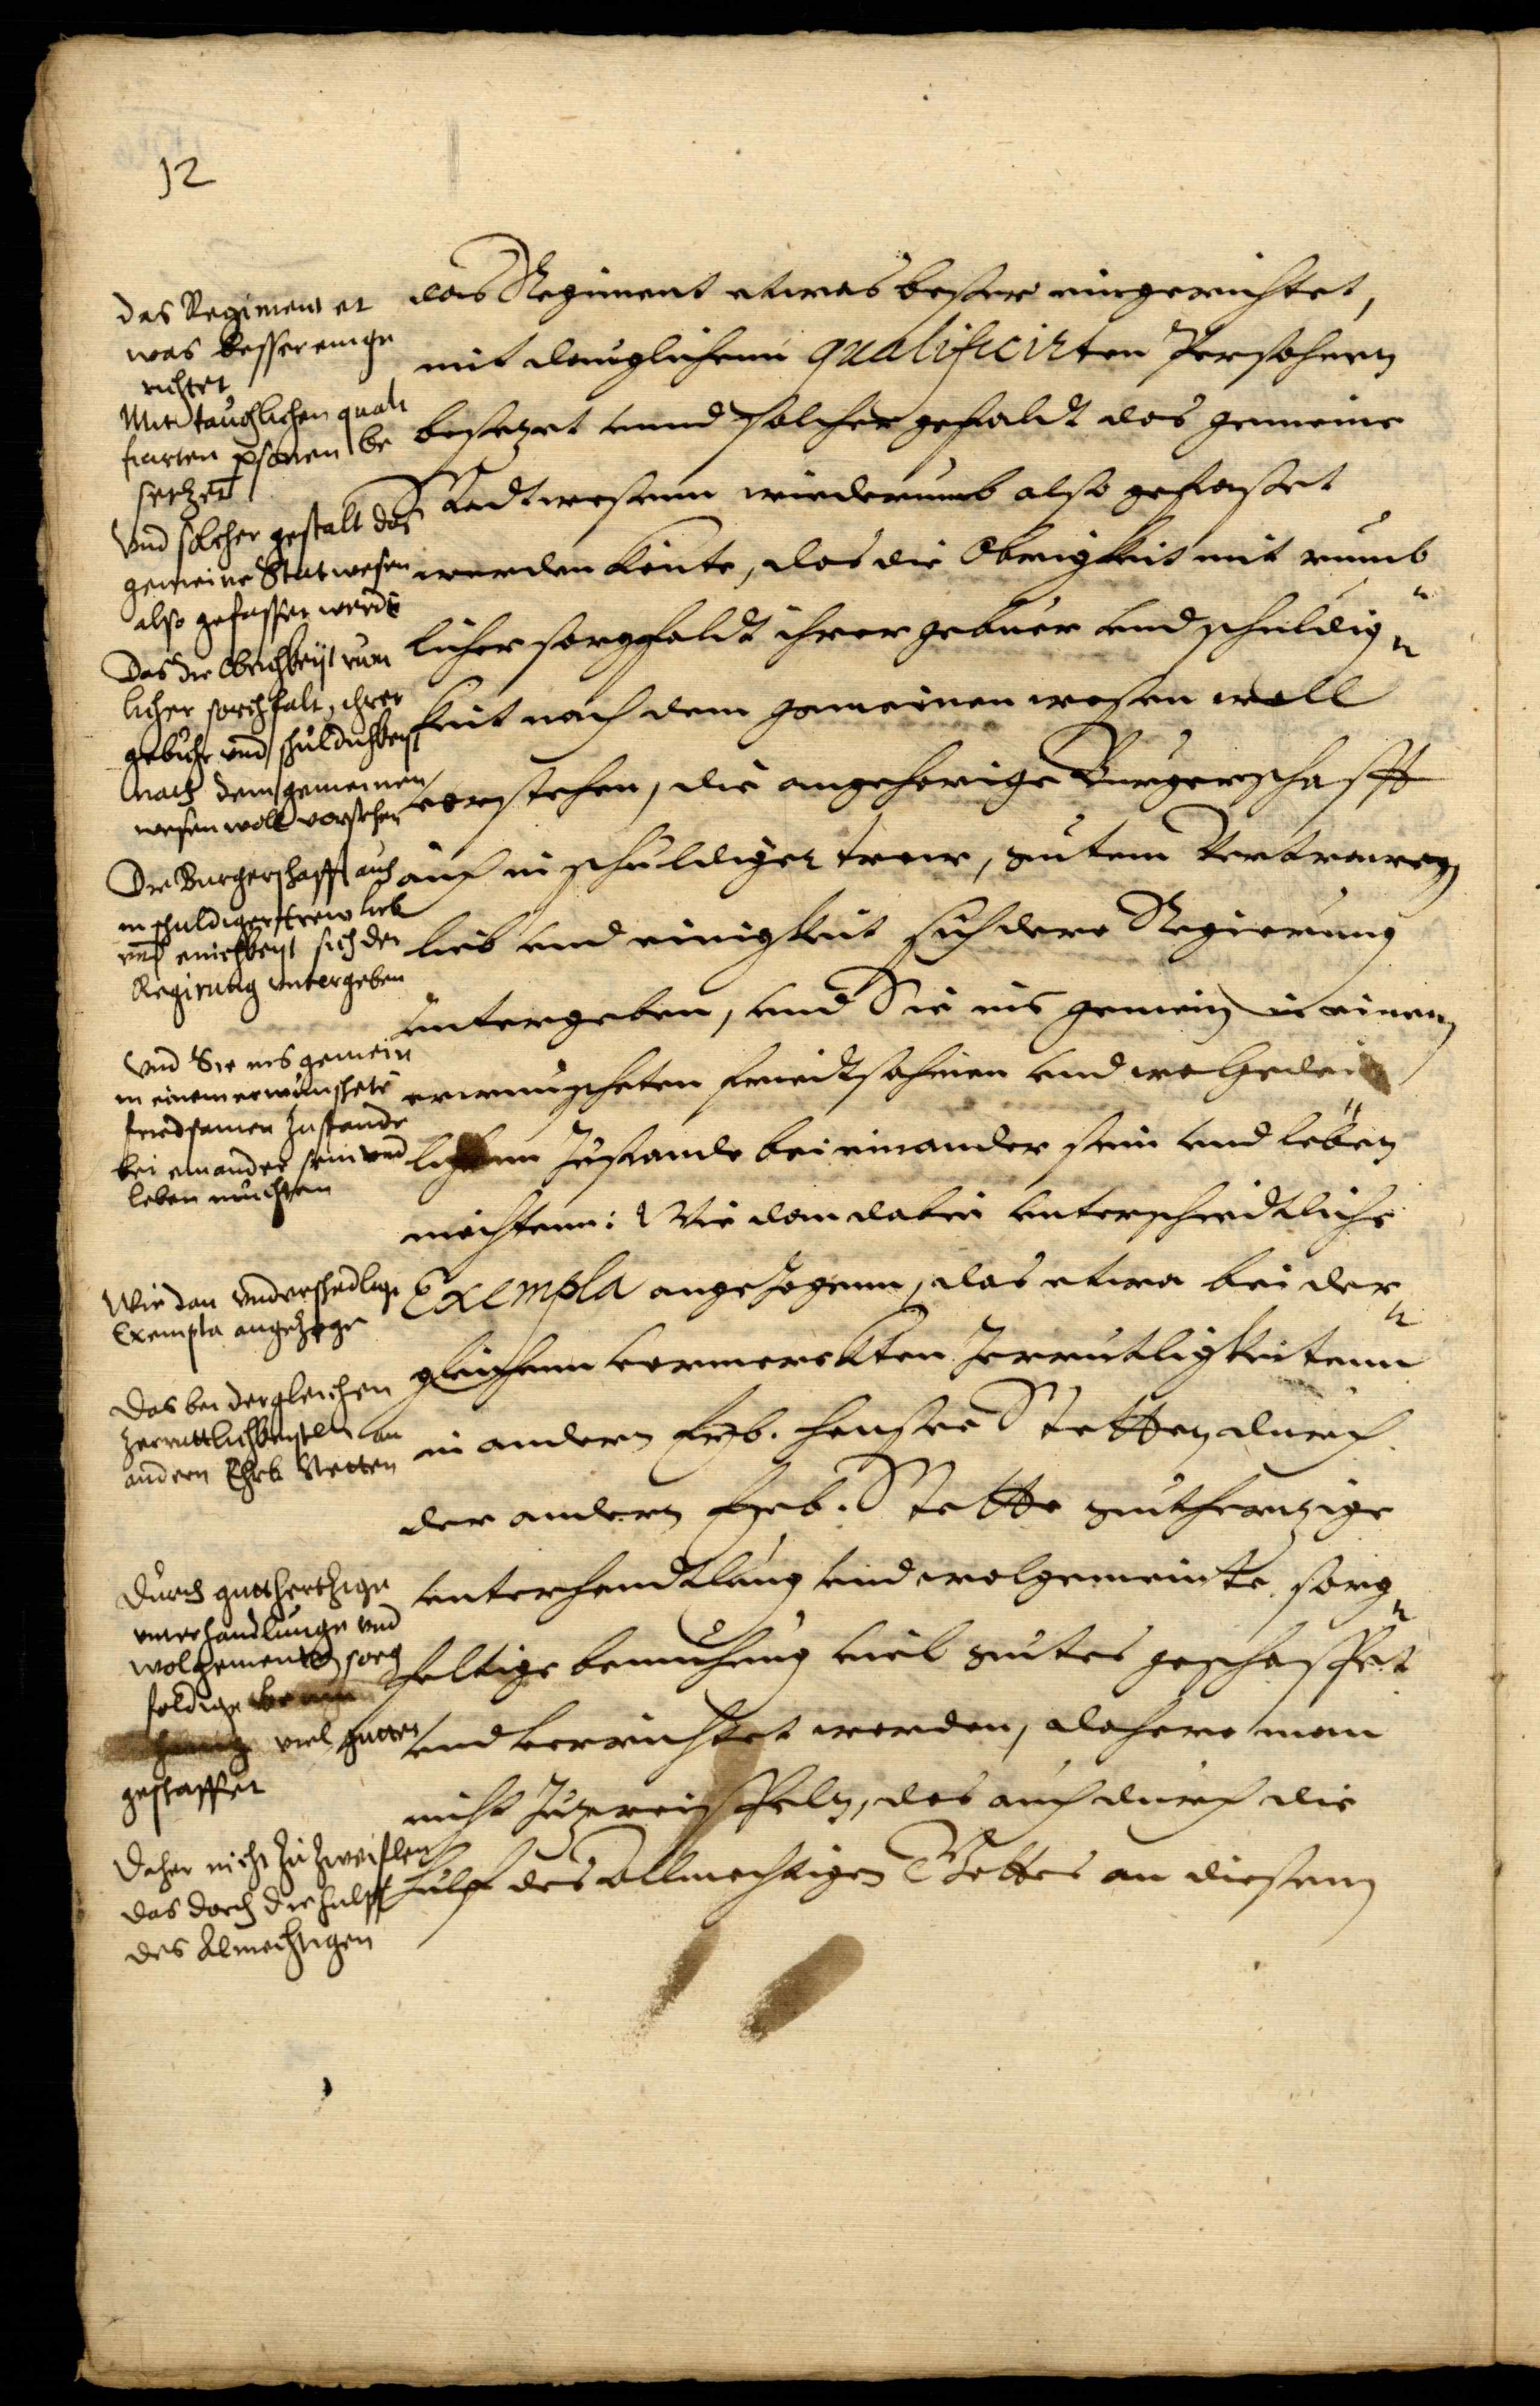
12
das Regiment et
was besser einge
richtet
Mit tauglichen quali
ficirten psonen be
seetzet
vnd solcher gestalt das
gemeine Statwesen
also gefasset werde
Das die Obrichkeijt rum
licher sorchfalt ihrer
gebuhr vnd schulichkeyt
nach dem gemeinen
wesen woll vorsehen
Die Burgerschafft auch
in schuldiger trew lieb
vnd einigchkeyt sich der
Regirung vntergeben
vnd Sie insgemein
in einem erwunschschetē
friedsamen zustande
bei einander sein vnd
leben muchten
Wie dan vnderschedlige
Exempla angezogen
das bei der gleichen
Zerruttlichkeiten an
andern Ehrb. Stetten
durch gutthertzige
vnterhandlunge vnd
wolgemente sorg
foldige bemu
hung viel guttes
geschaffen
daher nicht zu zweiflen
das dorch die hulff
des Almechtigen
das Regiment etwas besser eingerichtet,
mit dauglichnn qualificirten Persohnen
besetzet vnnd solcher gestaldt das gemeine
Stadtwesenn wiederumb also gefaßet
werden könte, das die Obrigkeit mit rumb¬
licher sorgfaldt ihrer gebuer vnd schuldig=
keit nach dem gemeinen wesen woll
verstehen, die angehorige Burgerschafft
auch in schuldiger trow, gutem Vertrawen,
lieb vnd einigkeit sich dero Regierung
vntergeben, vnd Sie ins gemein in einem
erwunscheten friedtsahmen vnd wolgedei¬
lichenn Zustande beieinander sein vnd leben
möchtenn: Wie dan dabei vnterschiedtliche
Exempla angezogenn, das etwa bei der¬
gleichenn vormerckten Zerrutligkeitenn
in andern Erb. hansee Stetten durch
der andern Erb. Stette guthertzige
vnterhandtlung vnd wolgememeinte sorg¬
feltige bemuhung viel gutes geschaffet
vnd berrichtet werden, dahero man
nicht zuzweiffeln, das auch durch die
hulf des Allmachtigen Gottes an diesem
